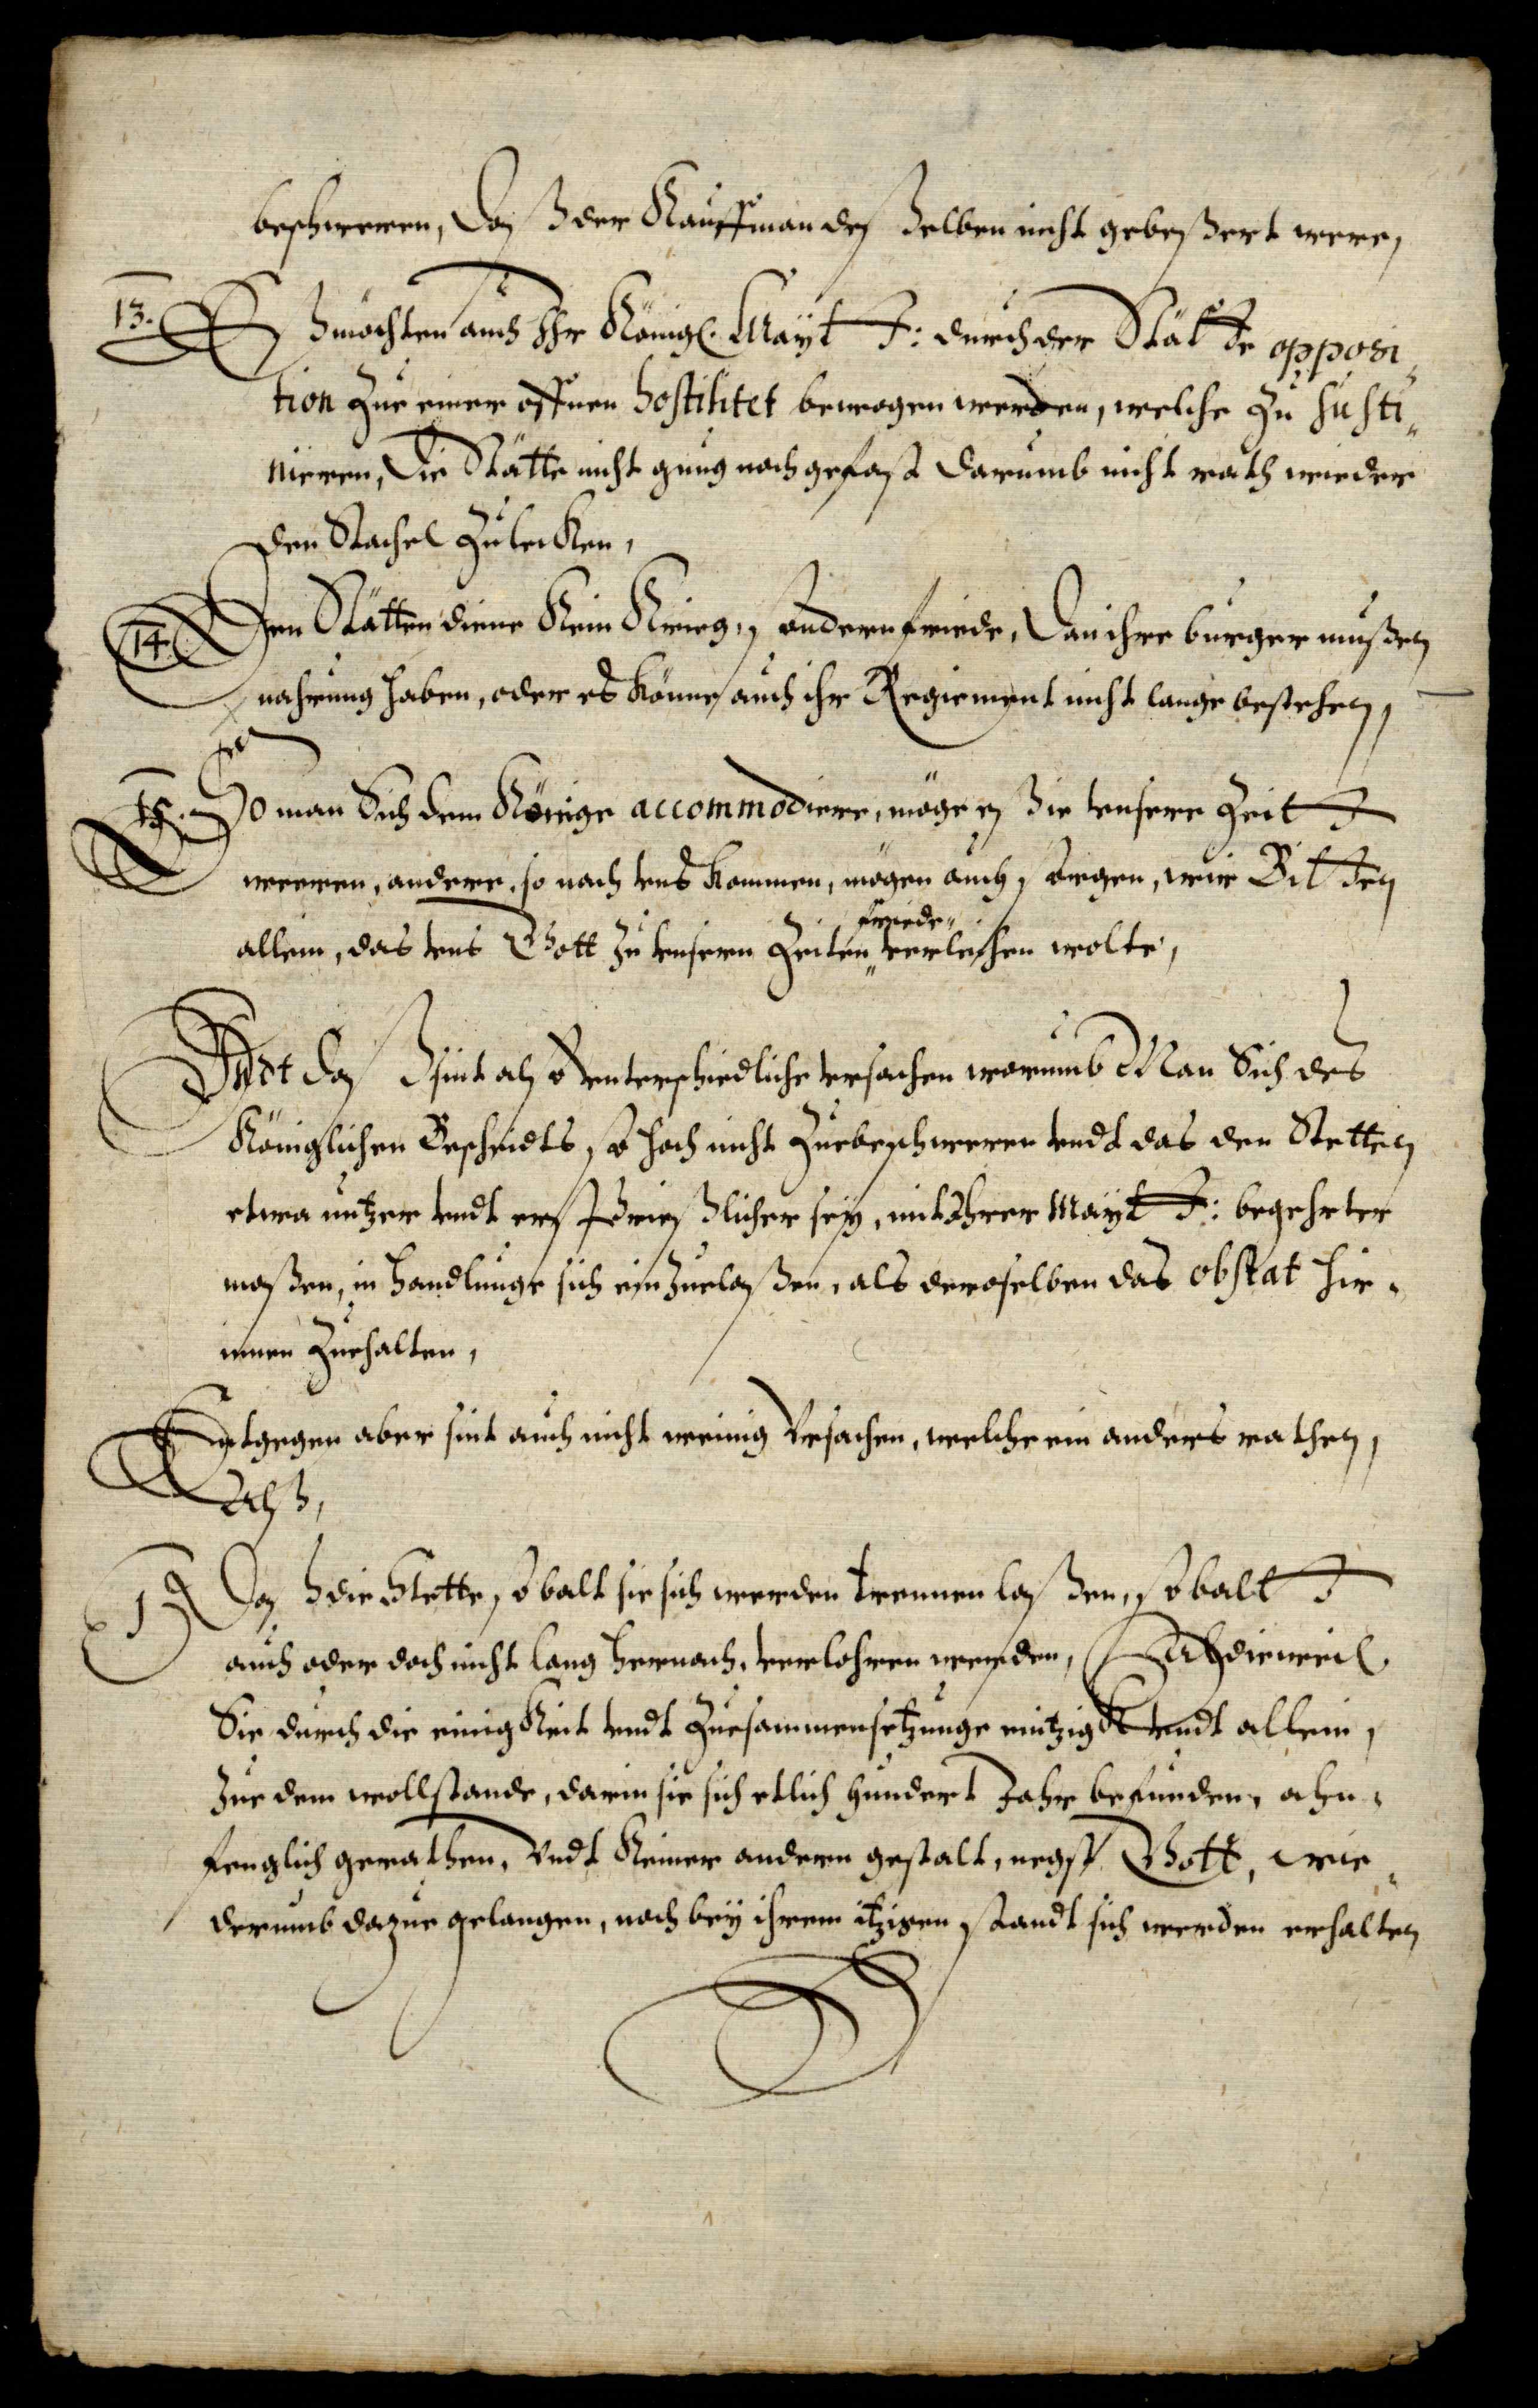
13.
14
15.
1
beschweren, daß der Kauffman deßelben nicht gebeßert were,
Eß möchten auch Ihr Königl. Maijtt: durch der Stätte opposi¬
tion Zue einer offnen Hostilitet bewogen werden, welche Zu susti¬
nieren, die Stätte nicht gnug noch gefast darumb nicht rath wieder
dem Stachel Zulecken,
Den Stätten diene Kein Krieg, sondern friede, Dan ihre burger mußen
nahrung haben, oder es könne auch ihr Regiement nicht lange bestehen,
So man Sich dem Könige accommodiere, möge eß in vnsere Zeitt
weeren, andere, so nach vns kommen, mögen auch sorgen, wir Bitten
allein, das vns Gott zu vnsern zeiten friede verleihen wolte,
Vndt daß sint also vnterschiedliche vrsachen worumb Man Sich des
Königlichen Bescheidts, so hoch nicht Zuebeschweren vndt das den Stetten
etwa nutzer vndt ersprießlicher seij, mit Ihrer Maijtt: begehrter
maßen, in Handlunge sich einzuelaßen, als deroselben das obstat hir¬
innen Zuehalten,
Entgegen aber sint auch nicht weinig Vrsachen, welche ein anders rathen,
Alß,
Daß die Stette, so balt sie sich werden trennen laßen, so baltt
auch oder doch nicht lang Hernach, verlohren werden, Aldieweil
Sie durch die einigkeit vndt Zuesammensetzunge eintzigk vndt allein,
zue dem wollstande, darin sie sich etlich hundert Jahr befunden, ahn¬
fenglich gerathen, Vndt Keiner andern gestalt, negst Gott, wie¬
derumb dazue gelangen, noch beij ihrem itzigen standt sich werden erhalten,
